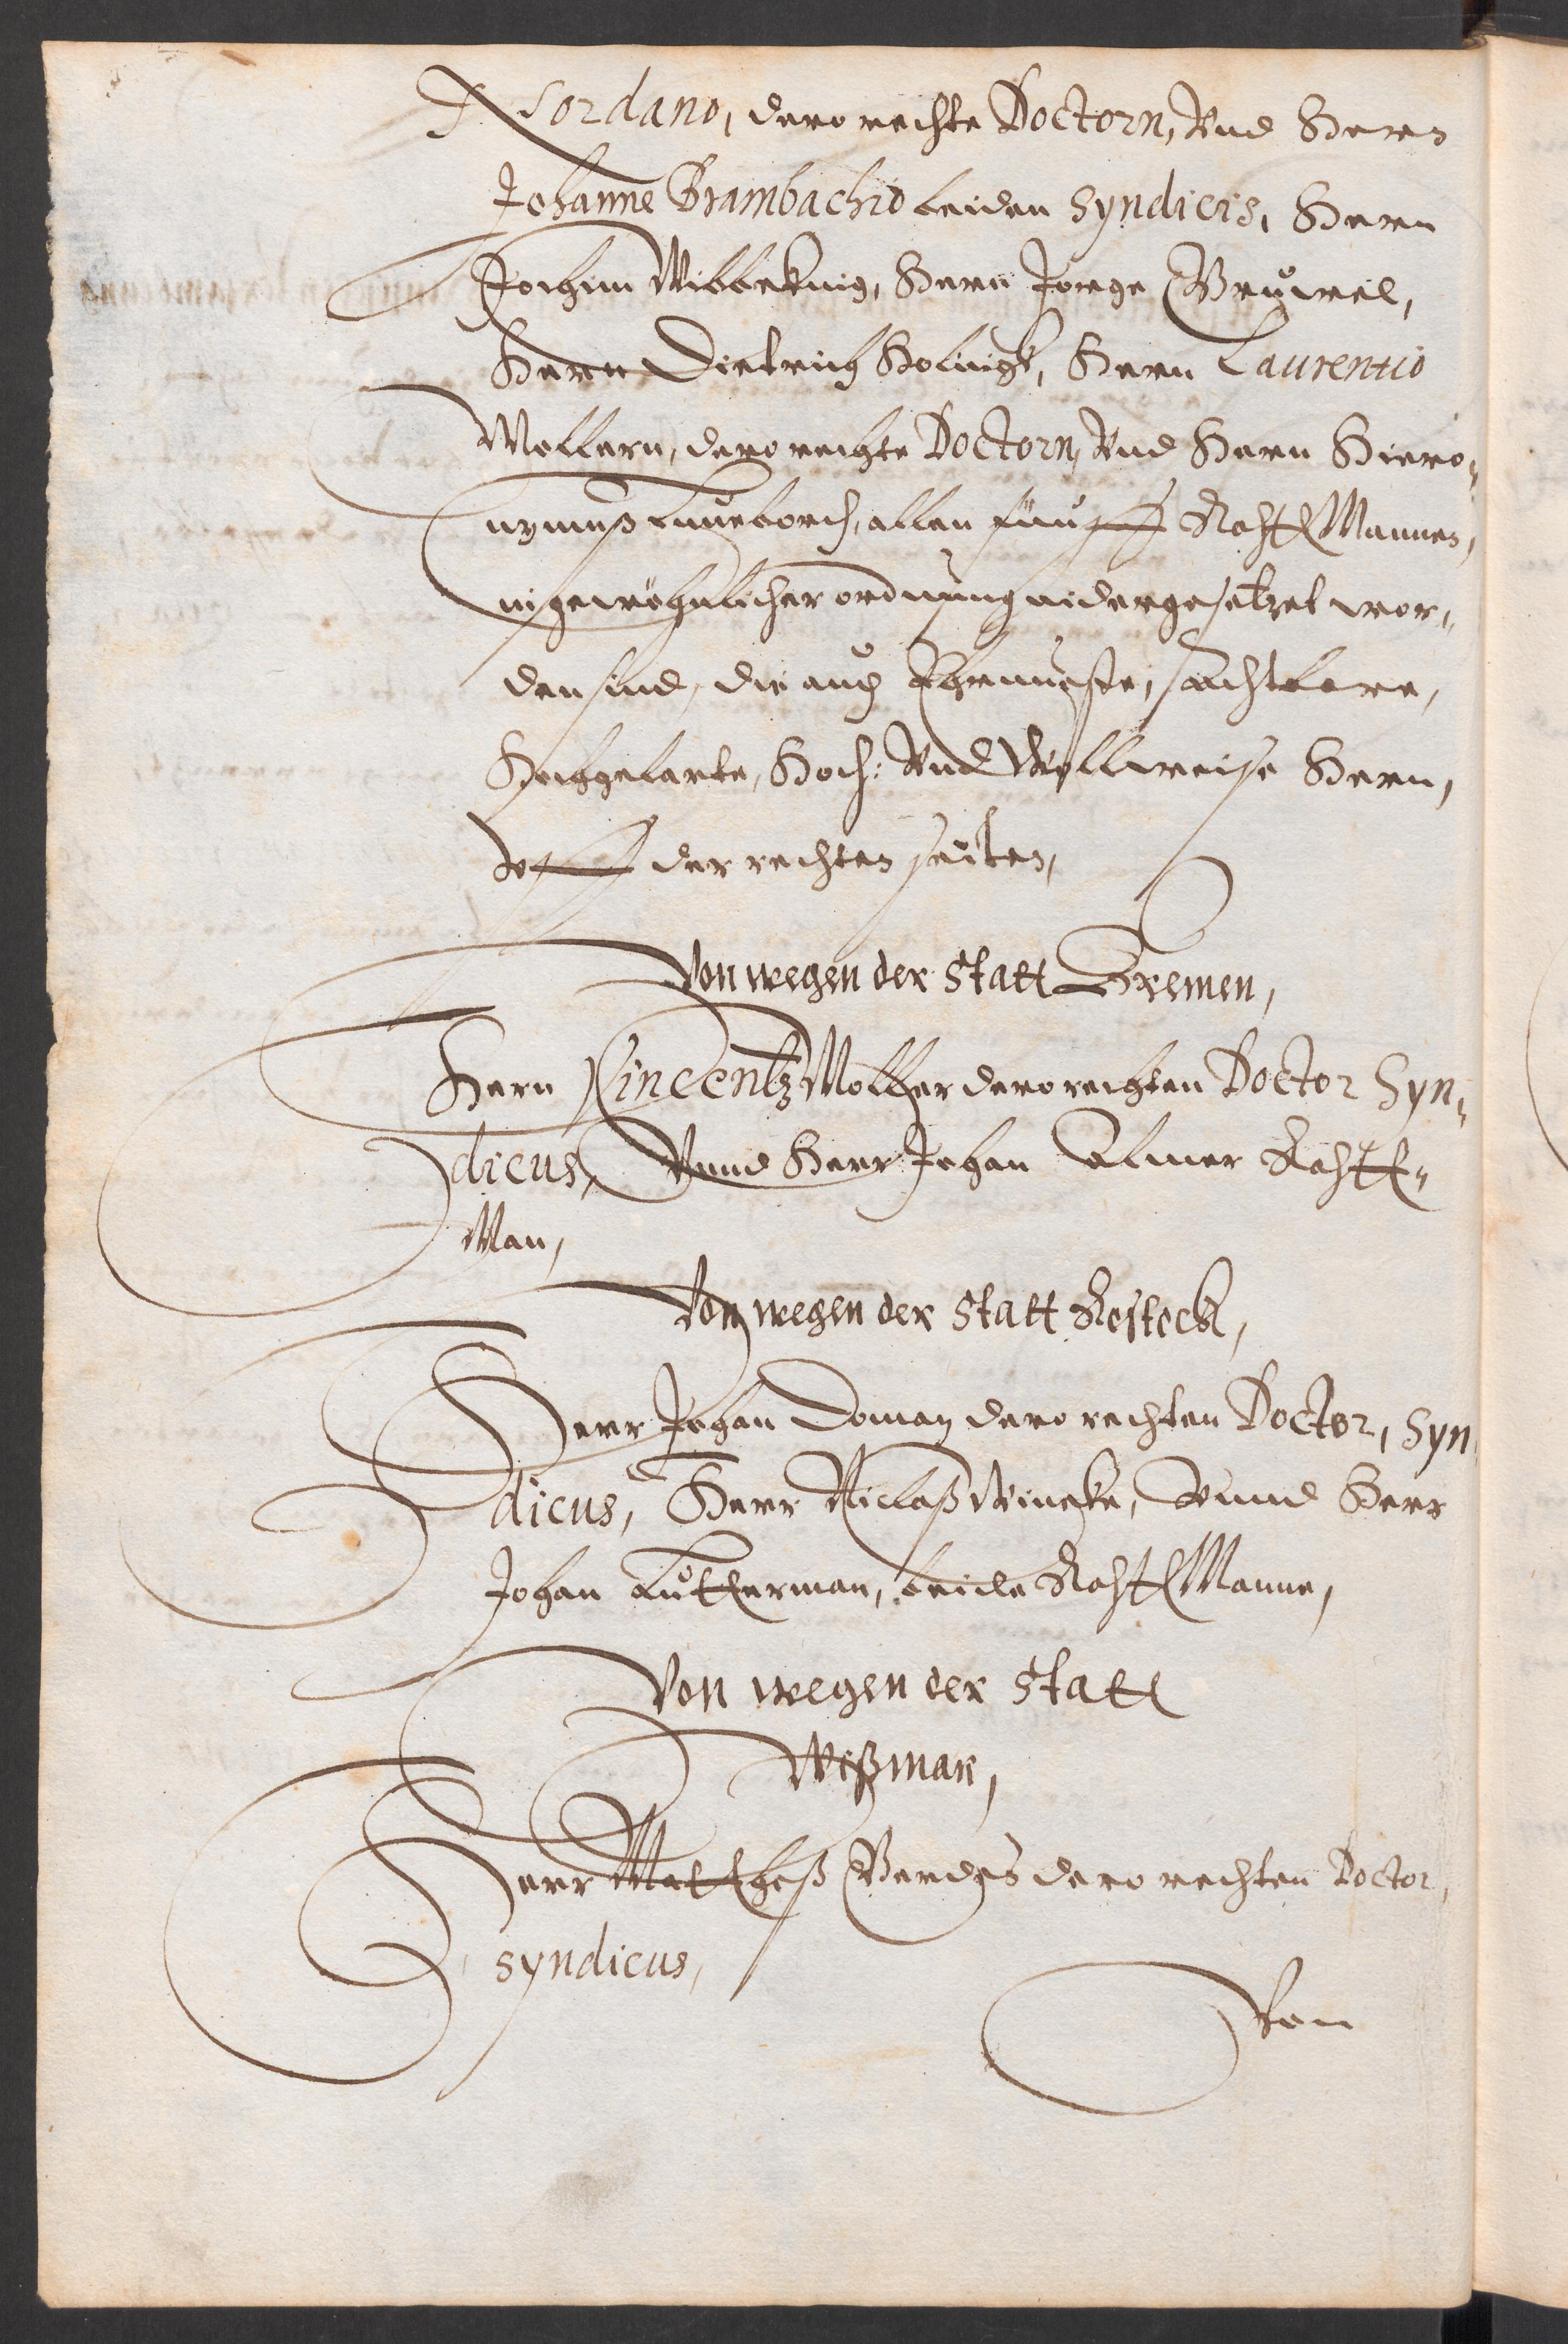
Nordano, dero rechte Doctorn, vnd Hern
Johanne Brambachio beiden syndicis, Hern
Jochim Wibbeking, Hern Jorge Gruwel,
Hern Dietrich Holingk, Hern Laurentio
Mollern, dero rechte Doctorn, vnd Hern Hiero¬
nymuß Luneborch, allen fünff RahttMannen,
in gewöhnlicher ordnung nidergesetzet wor¬
den sind, die auch Ehrnueste, achtbare,
Hochgelarte, Hoch: vnd Wollweise Hern,
vff der rechten seiten,
Von wegen der statt Bremen,
Hern Vincentz Moller dero rechten Doctor syn¬
dicus, Vnnd Herr Johan Almer Rahtt¬
Man,
Von wegen der statt Rostock,
Herr Johan Doman dero rechten Doctor, syn¬
dicus, Herr Niclaß Wineke, vnnd Herr
Johan Lutterman, beide RahttManne,
Von wegen der statt
Wißmar,
Herr Matthes Gerdes dero rechten Doctor,
syndicus
Von
